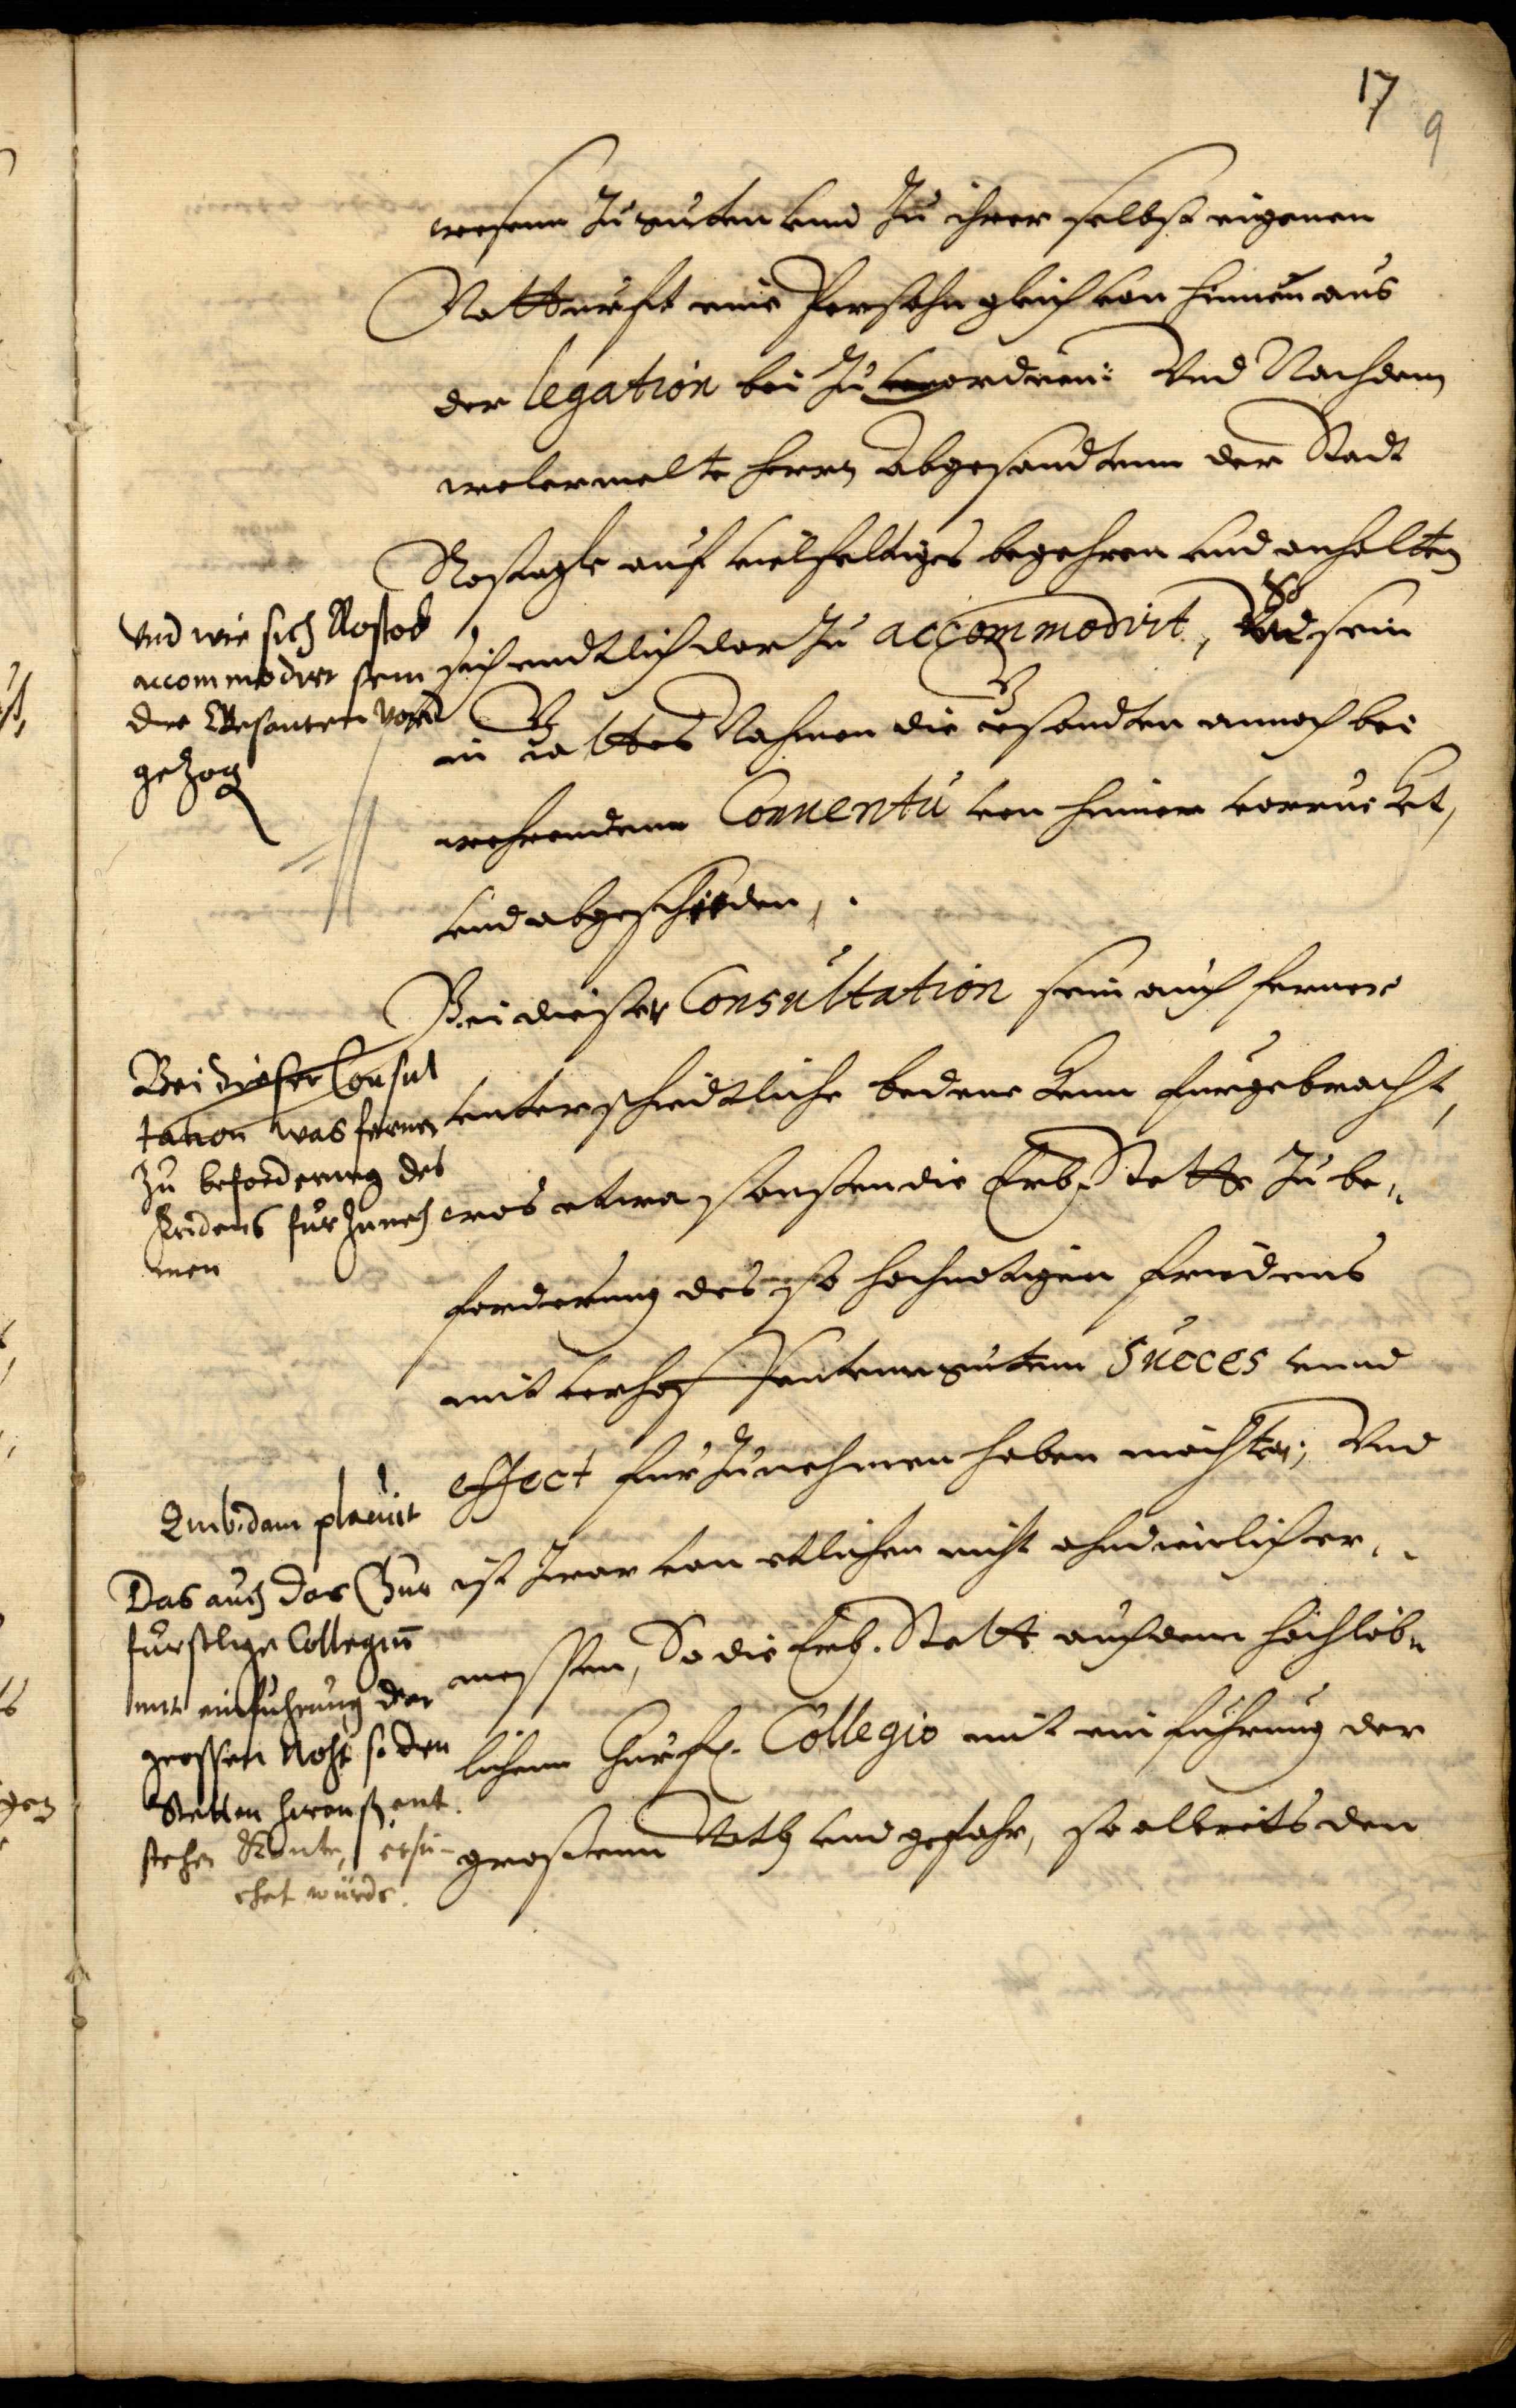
17
wesenn zu guten vnd zu ihrer selbst eigenen
Notturft eine Persohn gleich von hinnen aus
der legation bei zu verordnen: Vnd Nachdem
wolermelte herrn Abgesandtenn der Stadt
Rostogk auf vielfeltiges begehren vnd anhalten
sich endtlich darzu accommodirt, So sein
in Gottes Nahmen die Gesandten denoch bei
wehrendenn Conventu von hinnen vorrucket,
vnd abgeschieden,.
vnd wie sich Rostock
accommodirt sein
der Gesantenn vord
gezogen
Bei dieser Consultation sein auch ferner
vnterschiedtliche bedenckenn furgebracht,
was etwa sonsten die Erb. Stette zu be¬
forderung des so hochnotigen friedens
mit verhoffentenn gutem succes vnnd
effect furzunehmen haben möchten; Vnd
ist zwar von etlichen nicht ohndriclich er¬
messen, So die Erb. Stett auf dem hochlöb¬
lichenn Churf. Collegio mit einfuhrung der
großtenn Noth vnd gefahr, so albeits den
Bei dieser Consul
tation was ferner
zu beforderung des
Fridens fur zuneh
men
Quib.dam placuit
Das auch das Chur
furstlige Collegium
mit einfuhrung der
grossen Noht so den
Stetten hirauß ent
stehen konte, ersu¬
chet würde.
